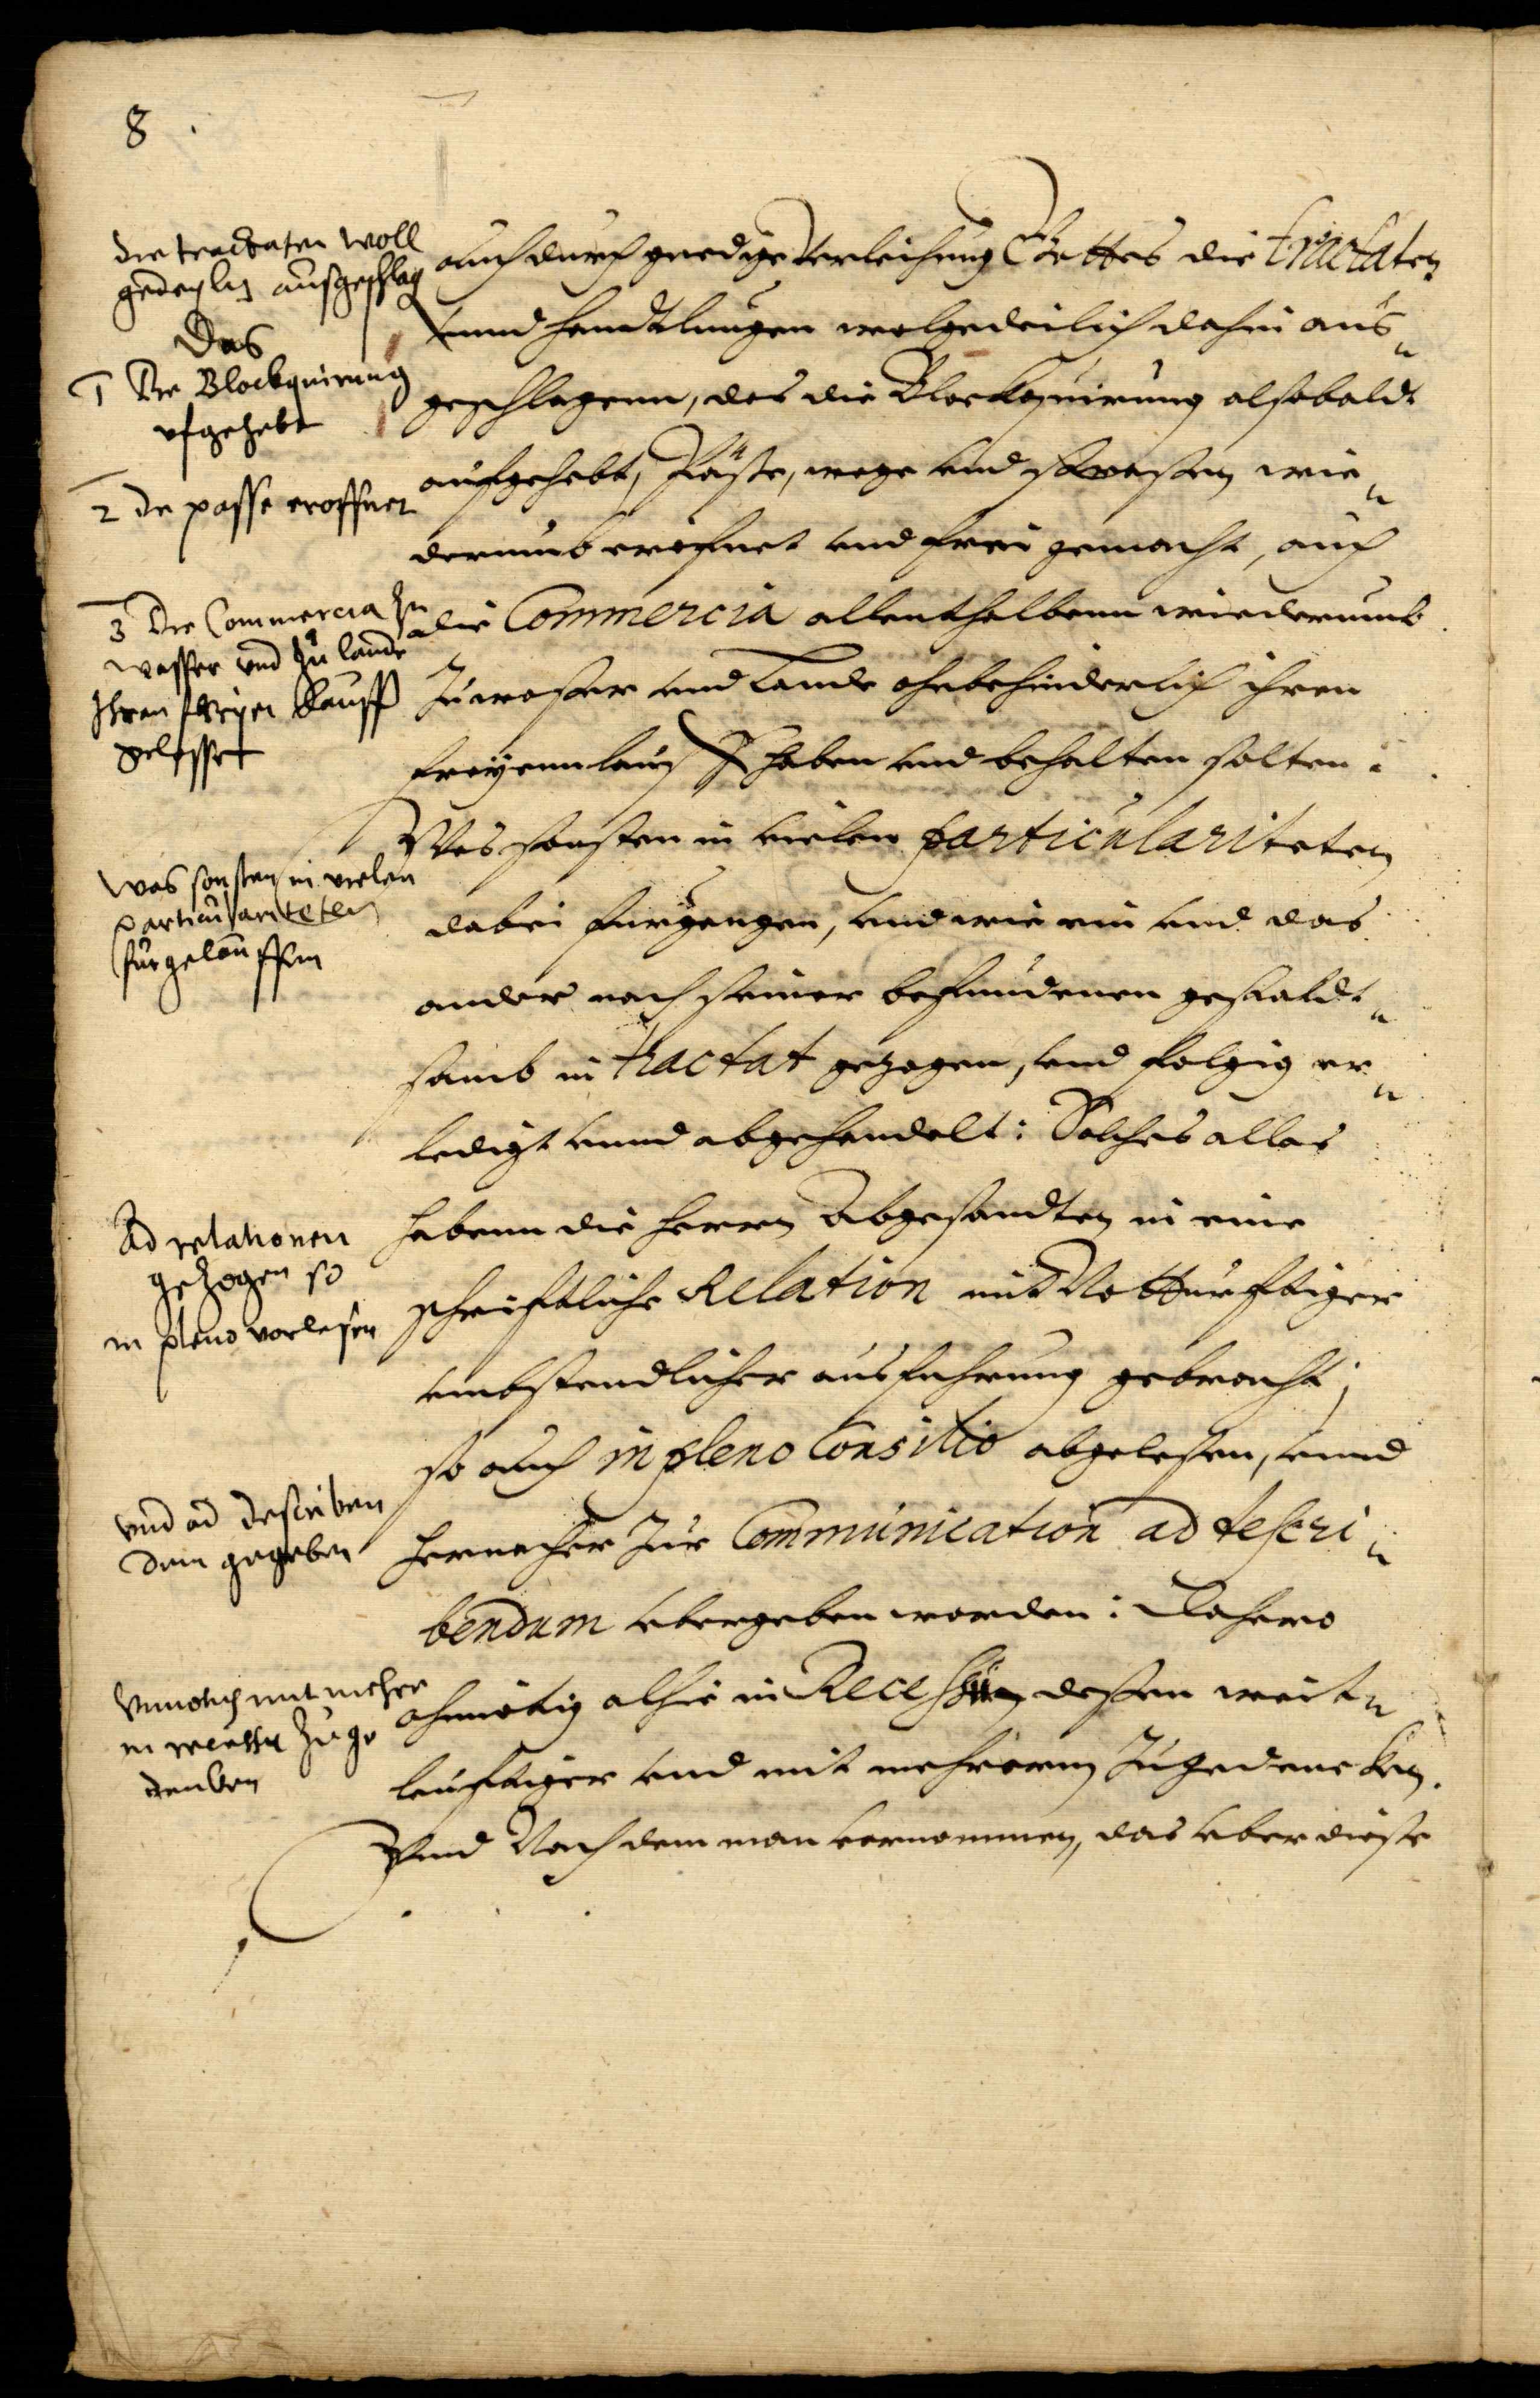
8
den tractaten woll
gedeylih ausgeschlagen
das
1 Der Blockquirung
vfgehebt
2 de passe eroffnet
3 Der Commercia zu
wasser vnd zu lande
Ihren freyen lauff
gelassen
was sonsten in vielen
particulariteten
furgelauffen
ad relationen
gezogen so
in pleno vorlesen
vnd ad describen
dum gegeben
vnnotich mit mehrer
m werke zu ge
denken
auch durch gnedige Verleihung Gottes die tractaten
vnnd handtlungen wolgedeilich dahin aus¬
geschlagenn, des die Blockquirung alsobaldt
aufgehebt, Päße, wege vnd straßen wie¬
derumb eröfnet vnd frei gemacht, auch
die Commercia allenthalbenn wiederumb
zu waßer vnd Lande ohnbehinderlich ihren
freijenn lauff haben vnd behalten solten.
Was sonsten in vielen particulariteten
dabei furgangen, vnd wie ein vnd das
ander nach seiner befundenen gestaldt¬
samb in tractat gezogen, vnd folgig er¬
ledigt vnnd abgehandelt: Solches alles
habenn die herrn abgesandten in eine
schriftliche Relation mit Notturftiger
vmbstendlicher ausfuhrung gebracht;
so auch in pleno Consilio abgelesen, vnnd
hernacher zur Communication ad descri¬
bendum vbergeben worden: dahero
ohnnötig alhie in Recessen deßen weit¬
leuftiger vnd mit mehrerm zugedencken.
Vnd Nachdem man vernommen, das vber diese
